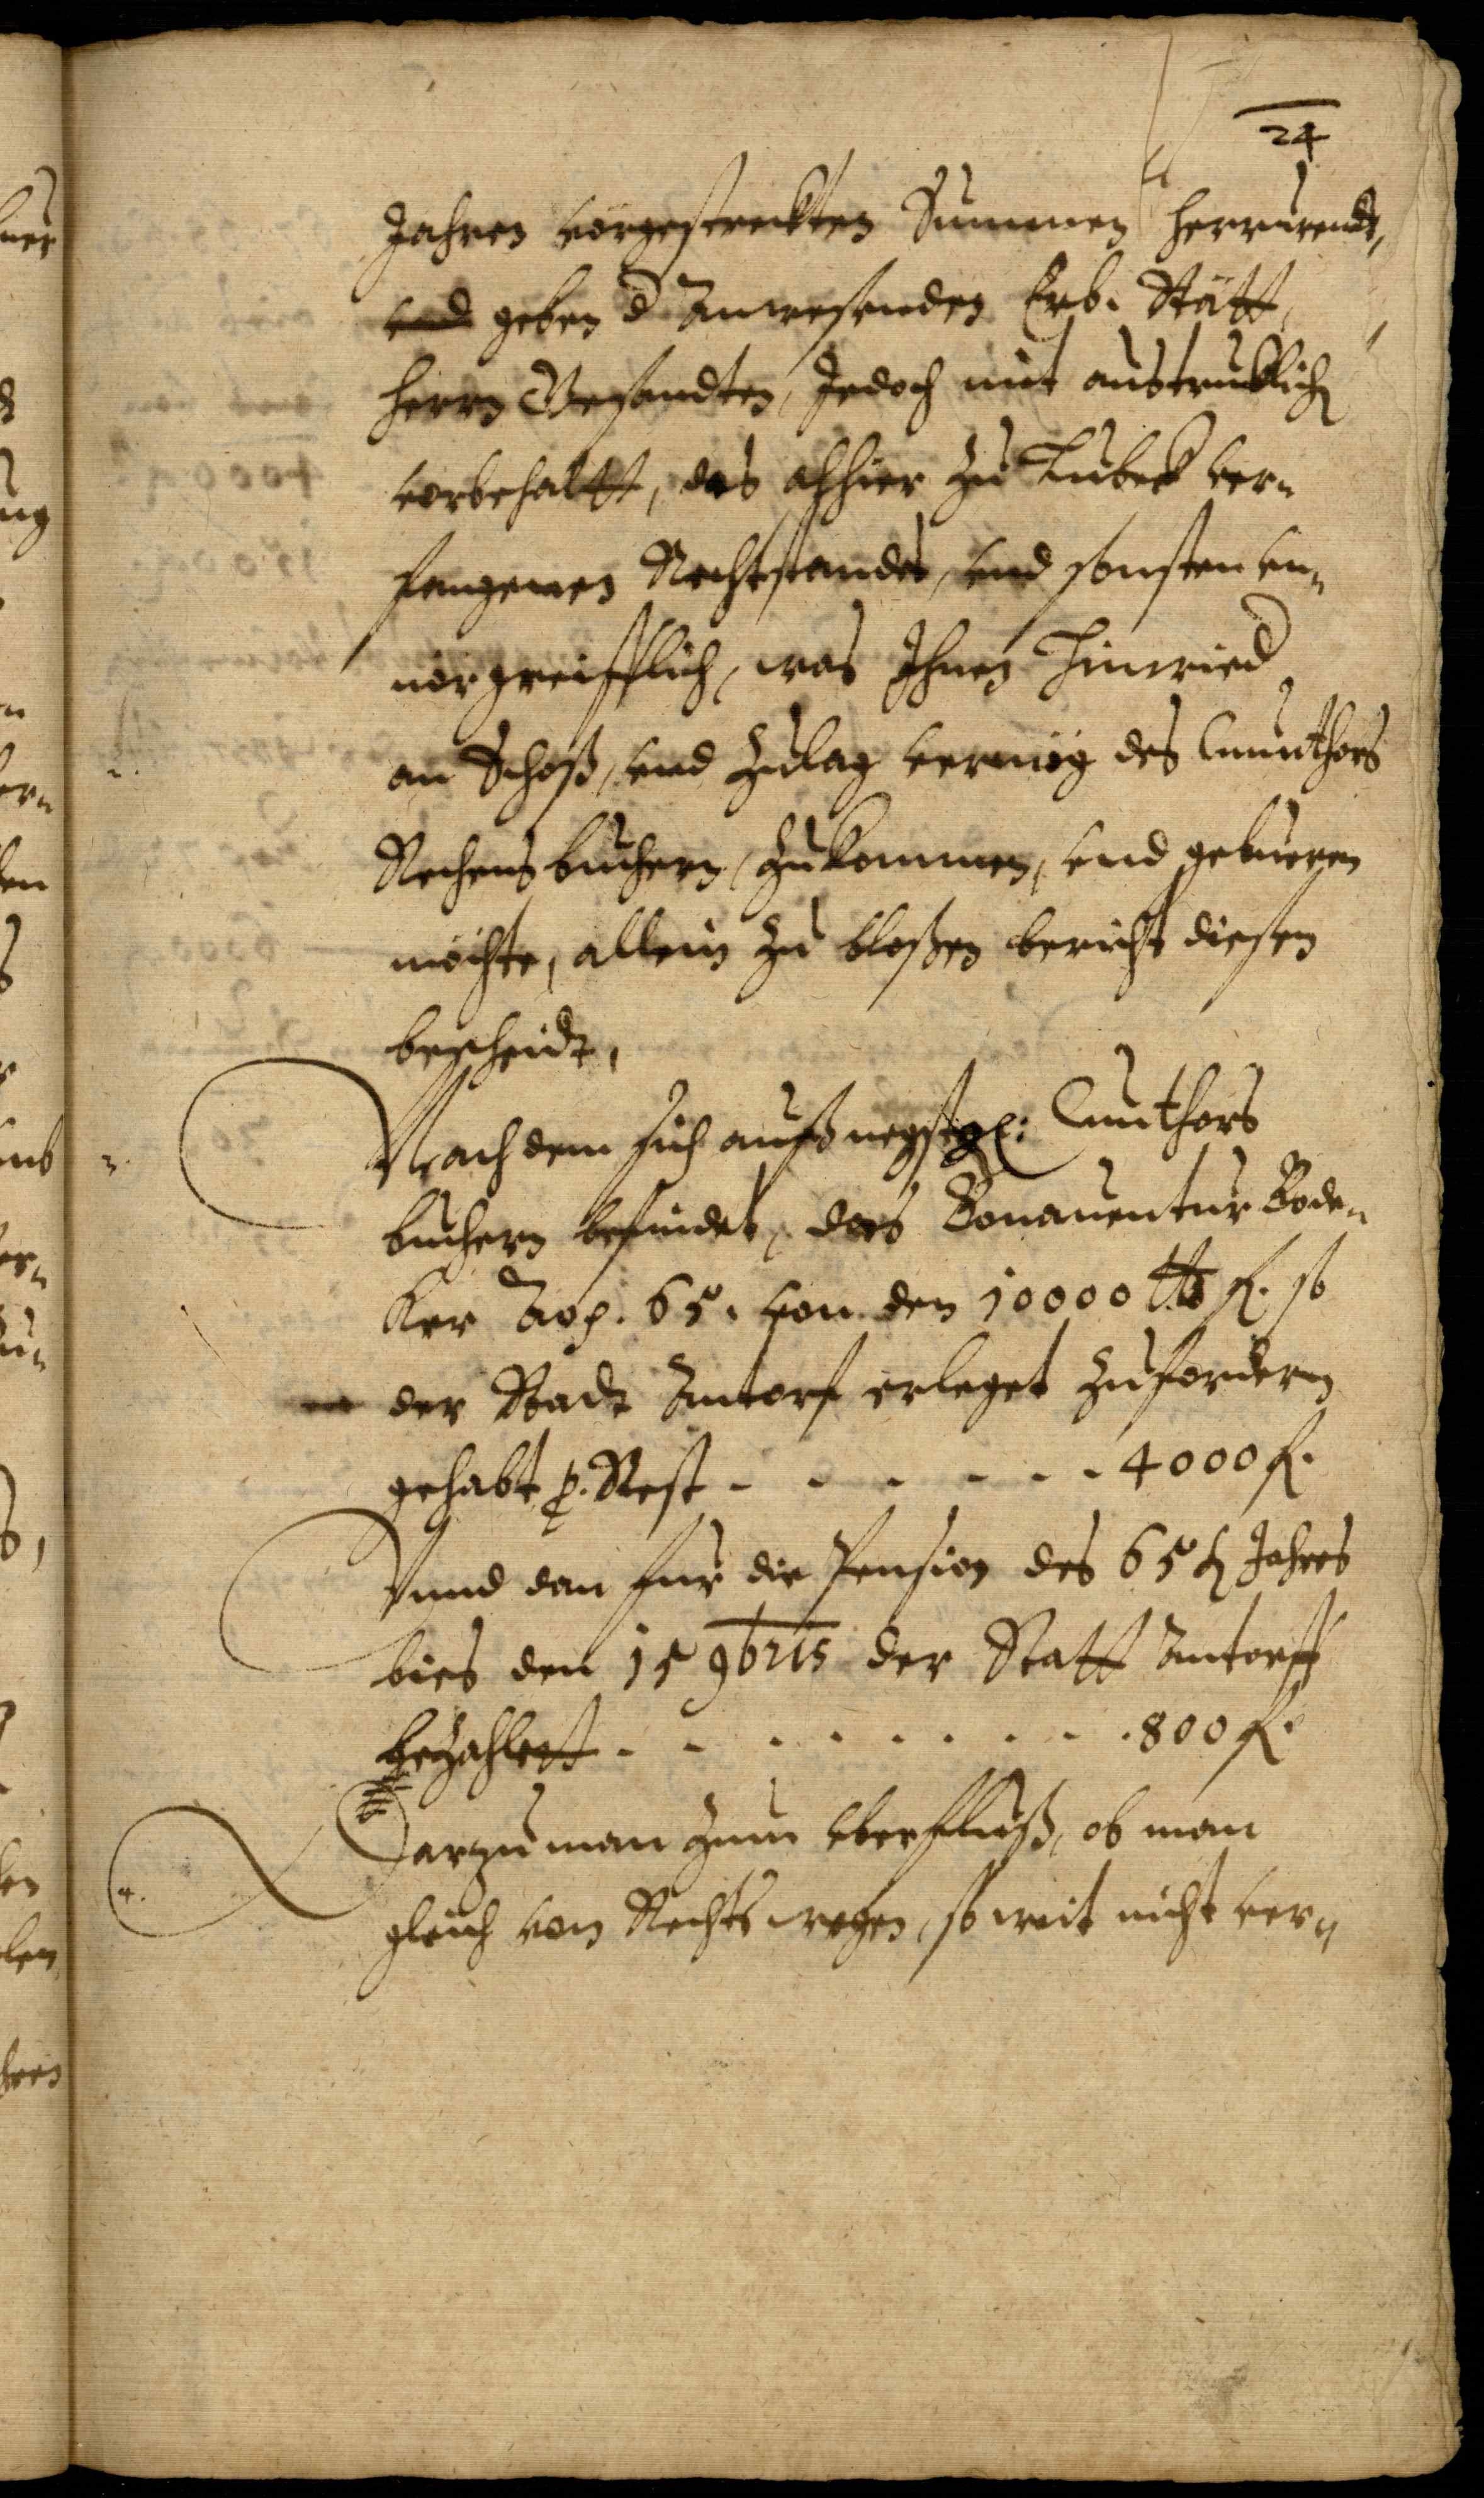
24
Jahres vorgestreckten summen herrurrendt,
vnd geben der Anwesenden Erb.Stätt
herrn Gesandten, Jedoch mit austrucklichen
vorbehalt, das alhier zu Lübeck ver¬
fangenen Rechtstandes, vnd sonsten vn¬
uor greifflich,was Ihnen hinwieder
an Schoß, vnd zulag vermög des Cunthors
Rechens buchern, zu kommen, vnd geburen
möchte, allein zu bloßen bericht dieses
bescheidt,
Nach dem sich auß negstigl: Cunthors
buchern befindet, das Bonaventur Bode¬
ker Ao p 65 von den 10000 lb f. so
der Stadt Antorf erleget zufordern
gehabt pro Rest _ 4000 f.
Vnnd dan fur die Pension des 65ten Jahres
bies den 15 novembris der Statt Antorf
bezahlett ......... 800 f.
Darzu man zum vberfluß, ob man
gleich von Rechts wegen, so weit nicht vor¬
